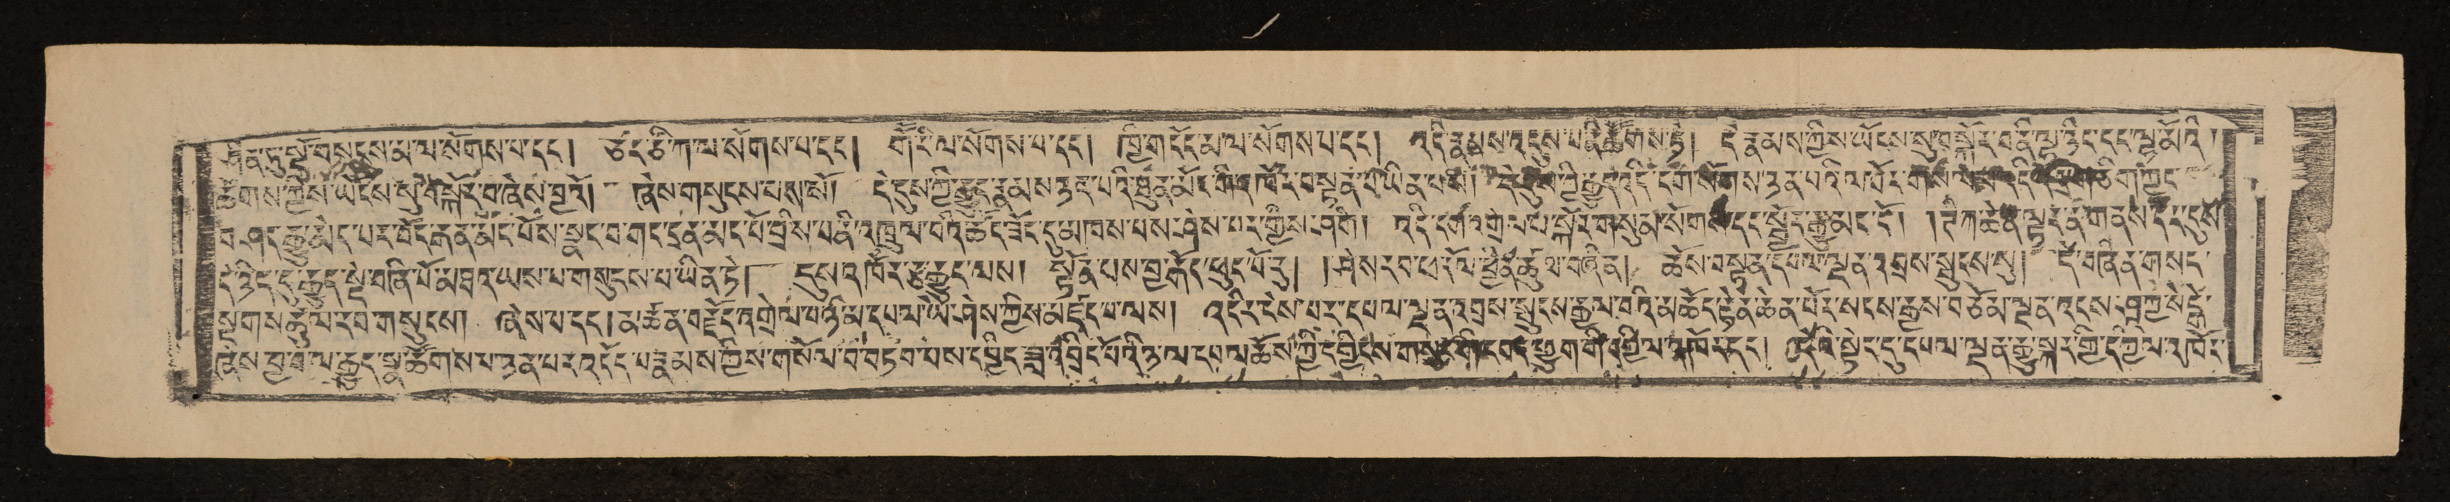ཤིན་ཏུ་སྔོ་བསངས་མ་ལ་སོགས་པ་དང་། ཙ་ར་ཙི་ཀ་ལ་སོགས་པ་དང་། གཽ་རི་ལ་སོགས་པ་དང་། ཁྱི་གདོང་མ་ལ་སོགས་པ་དང་། འདི་རྣམས་འདུས་པ་ནི་ཚོགས་ཏེ། དེ་རྣམས་ཀྱིས་ཡོངས་སུ་བསྐོར་བ་ནི་ལྷ་ཉིད་དང་ལྷ་མོའི་
ཚོགས་ཀྱིས་ཡོངས་སུ་བསྐོར་བཞེས་བྱའོ། །ཞེས་གསུངས་པས་སོ། །དེ་དུས་ཀྱི་རྒྱུད་རྣམས་ཉན་པའི་ཐུན་མོང་གི་འཁོར་བསྟན་པ་ཡིན་པས། དེ་དུས་ཀྱི་རྒྱུད་འདི་དག་སོགས་ཉན་པའི་འཁོར་གསལ་པ་འདི་འདྲ་གཅིག་ཀྱང་
བཤད་རྒྱུ་མེད་པར་བོད་རྒན་མང་པོས་སྣང་བ་གང་དྲན་མང་པོ་བྲིས་པ་ནི་འཁྲུལ་པའི་ཚོང་ཟོང་དུ་མཁས་པས་ཤེས་པར་གྱིས་ཤིག། འདི་དག་འགྲེལ་པ་སྐོར་གསུམ་སོགས་དང་སྦྱོར་རྒྱུ་མང་ངོ། །ཊིཀ་ཆེན་ལྟར་ན་གནས་དེར་དུས་
དེ་ཉིད་དུ་རྒྱུད་སྡེ་བཞི་པོ་མཐའ་ཡས་པ་གསུངས་པ་ཡིན་ཏེ། དུས་འཁོར་རྩ་རྒྱུད་ལས། སྟོན་པས་བྱ་རྒོད་ཕུང་པོ་རུ། །ཤེས་རབ་ཕ་རོལ་ཕྱིན་ཚུལ་བཞིན། །ཆོས་བསྟན་དཔལ་ལྡན་འབྲས་སྤུངས་སུ། །དེ་བཞིན་གསང་
སྔགས་ཚུལ་རབ་གསུངས། །ཞེས་པ་དང་། མཚན་བརྗོད་འགྲེལ་པ་ཉི་མ་དཔལ་ཡེ་ཤེས་ཀྱིས་མཛད་པ་ལས། འདིར་ངེས་པར་དཔལ་ལྡན་འབྲས་སྤུངས་རྒྱལ་བའི་མཆོད་རྟེན་ཆེན་པོར་སངས་རྒྱས་བཅོམ་ལྡན་འདས་ཤཱཀྱ་སེངྒེ་
ཞེས་བྱ་བ་ལ་རྒྱུད་སྣ་ཚོགས་པ་ཉན་པར་འདོད་པ་རྣམས་ཀྱིས་གསོལ་པ་བཏབ་པས་དཔྱིད་ཟླ་འབྲིང་པོའི་ཉ་ལ་དཔལ་ཆོས་ཀྱི་དབྱིངས་གསུང་གི་དབང་ཕྱུག་གི་དཀྱིལ་འཁོར་དང་། དེའི་སྟེང་དུ་དཔལ་ལྡན་རྒྱུ་སྐར་གྱི་དཀྱིལ་འཁོར་